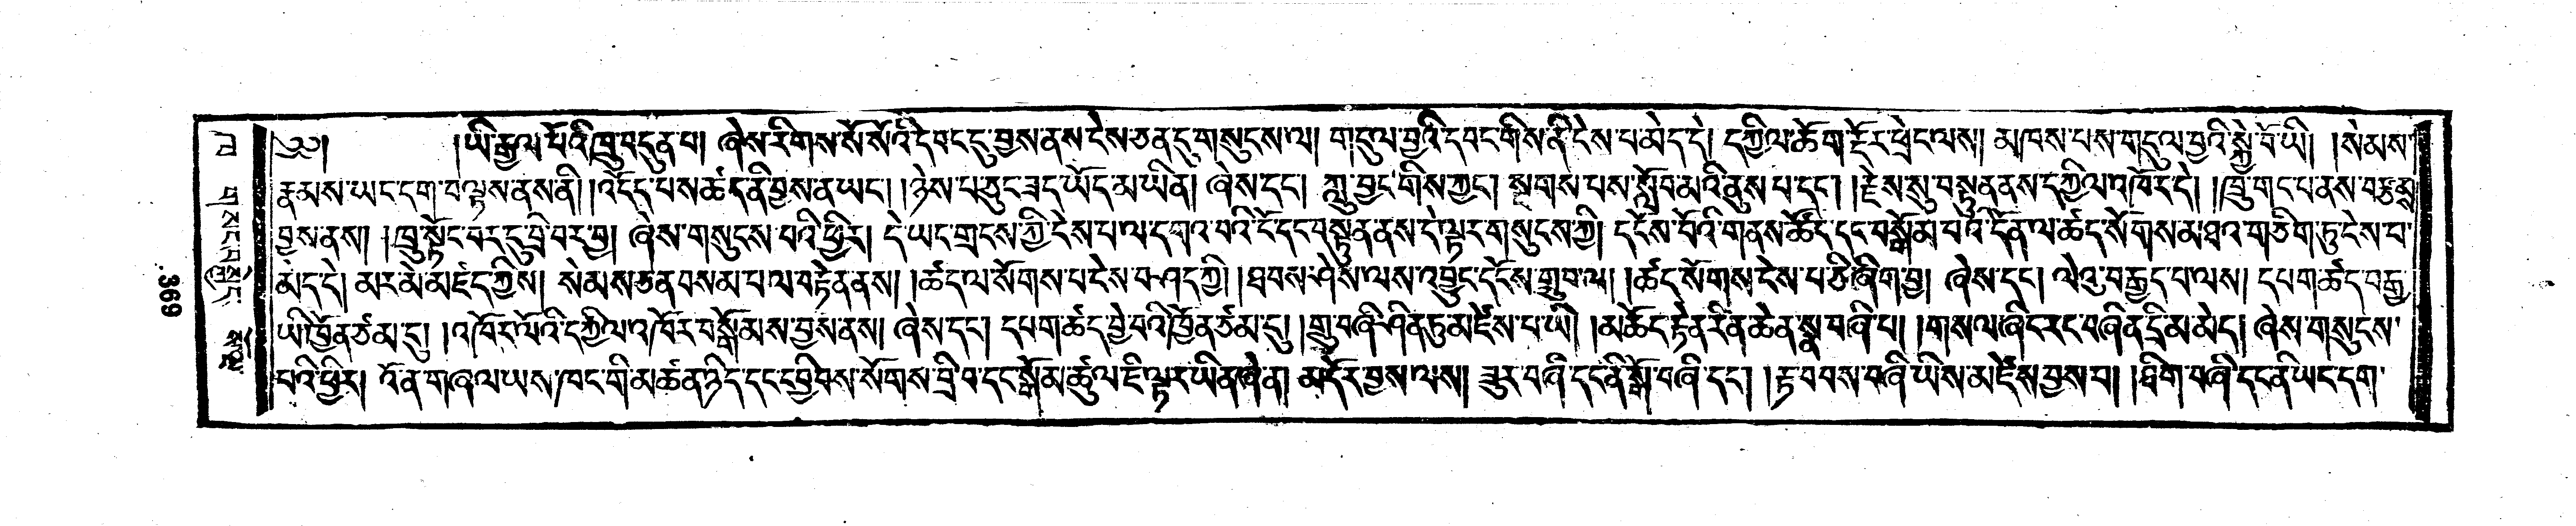༄༅། །ཡི་རྒྱལ་པོའི་ཁྲུ་བདུན་པ། ཞེས་རིགས་སོ་སོའི་དབང་དུ་བྱས་ནས་ངེས་ཅན་དུ་གསུངས་ལ། གདུལ་བྱའི་དབང་གིས་ནི་ངས་པ་མེད་དེ། དཀྱིལ་ཆོག་རྡོར་ཕྲེང་ལས། མཁས་པས་གདུལ་བྱའི་སྐྱེ་བོ་ཡི། །སེམས་
རྣམས་ཡང་དག་བལྟས་ནས་ནི། །འདོད་པས་ཚད་ནི་བྱས་ན་ཡང་། །ཉེས་པ་ཅུང་ཟད་ཡོད་མ་ཡིན། ཞེས་དང་། ཀླུ་བྱང་གིས་ཀྱང་། སྔགས་པས་སློབ་མའི་ནུས་པ་དང་། །རྗེས་སུ་བསྟན་ནས་དཀྱིལ་འཁོར་དེ། །ཁྲུ་གང་པ་ནས་བརྩམས་
བྱས་ནས། །ཁྲུ་སྟོང་པར་དུ་བྲི་བར་བྱ། ཞེས་གསུངས་པའི་ཕྱིར། དེ་ཡང་གྲངས་ཀྱི་ངེས་པ་ལ་དགའ་བའི་ངོ་དང་བསྟུན་ནས་དེ་ལྟར་གསུངས་ཀྱི། དངོས་པོའི་གནས་ཚོད་དང་བསྒོམ་པའི་དོན་ལ་ཚད་སོགས་མཐའ་གཅིག་ཏུ་ངེས་པ་
མེད་དེ། མར་མེ་མཛད་ཀྱིས། སེམས་ཅན་བསམ་པ་ལ་བརྟེན་ནས། །ཚད་ལ་སོགས་པ་དེས་བཤད་ཀྱི། །ཐབས་ཤེས་ལས་འབྱུང་དངོས་གྲུབ་ལ། །ཚང་སོགས་ངེས་པ་ཅི་ཞིག་བྱ། ཞེས་དང་། ལེའུ་བརྒྱད་པ་ལས། དཔག་ཚད་བརྒྱ་
ཡི་ཁྱོན་ཙམ་དུ། །འཁོར་ལོའི་དཀྱིལ་འཁོར་བསྒོམས་བྱས་ནས། ཞེས་དང་། དཔག་ཚད་བྱེ་བའི་ཁྱོན་ཙམ་དུ། །གྲུ་བཞི་ཤིན་ཏུ་མཛེས་པ་ཡི། །མཆོད་རྟེན་རིན་ཆེན་སྣ་བཞི་པ། །གསལ་ཞིང་རང་བཞིན་དྲི་མ་མེད། ཞེས་གསུངས་
པའི་ཕྱིར། འོ་ན་གཞལ་ཡས་ཁང་གི་མཚན་ཉིད་དང་དབྱིབས་སོགས་བྲི་བ་དང་སྒོམ་ཚུལ་ཇི་ལྟར་ཡིན་ཞེ་ན། མདོར་བྱས་ལས། ཟུར་བཞི་དང་ནི་སྒོ་བཞི་དང་། །རྟ་བབས་བཞི་ཡིས་མཛེས་བྱས་པ། །ཐིག་བཞི་དང་ནི་ཡང་དག་